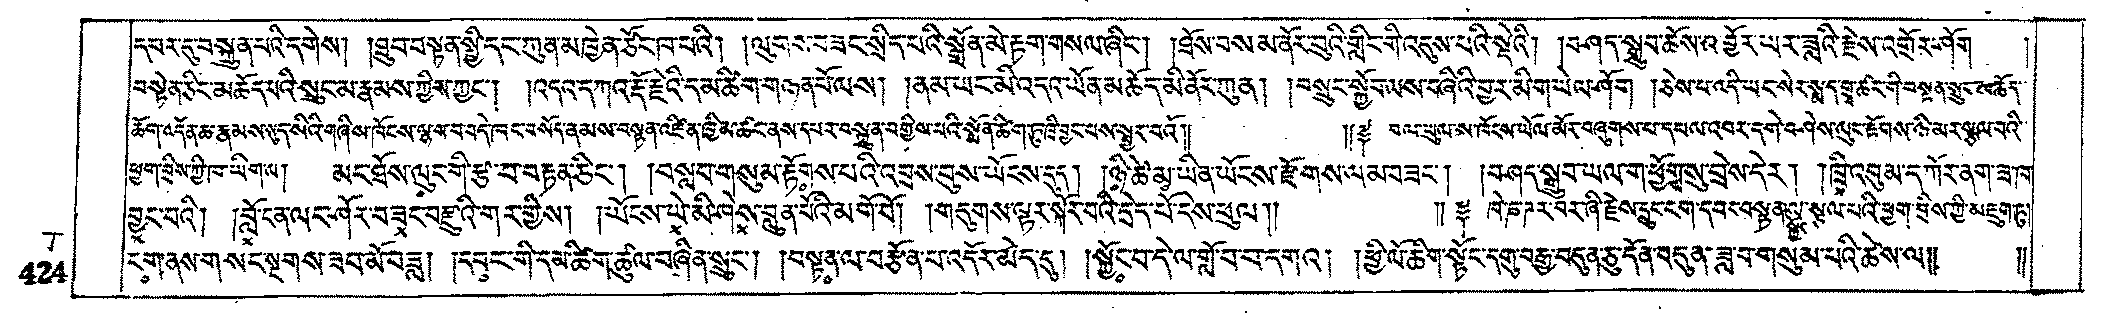དཔར་དུ་བསྐྲུན་པའི་དགེས། །ཐུབ་བསྟན་སྤྱི་དང་ཀུན་མཁྱེན་ཙོང་ཁ་པའི། །ལུགས་བཟང་སྲིད་པའི་སྒྲོན་མེ་རྟག་གསལ་ཞིང་། །ཐོས་བསམ་ནོར་བུའི་གླིང་གི་འདུས་པའི་སྡེའི། །བཤད་སྒྲུབ་ཆོས་འབྱོར་ཡར་ཟླའི་རྗེས་འགྲོར་ཤོག །
བསྟེན་ཅིང་མཆོད་པའི་སྲུང་མ་རྣམས་ཀྱིས་ཀྱང་། །འདའ་དཀའ་རྡོ་རྗེའི་དམ་ཚིག་གཉན་པོ་ལས། །ནམ་ཡང་མི་འདའ་ཡོན་མཆོད་མི་ནོར་ཀུན། །བསྲུང་སྐྱོབ་ལས་བཞིའི་བྱ་ར་མི་གཡེལ་ཤོག །ཅེས་པ་འདི་ཡང་སེར་སྨད་གྲྭ་ཚང་གི་བསྟན་སྲུང་མཆོད་་་
ཆོག་འདོན་ཆ་རྣམས་སུད་སིའི་གཞིས་ཁོངས་ལྷ་ས་བ་བདེ་ཁང་བསོད་ནམས་བསྟན་འཛིན་ཁྱིམ་ཚང་ནས་དཔར་བསྐྲུན་བགྱིས་པའི་སྨོན་ཚི་ཏུ་ཁྲི་བྱང་པས་སྦྱར་བའོ།། །། འ་བལ་ཡུལ་ས་ཁོངས་ཡོལ་མོར་བཞུགས་པ་དཔལ་འབར་དགེ་བཤེས་ལུང་རྟོགས་ཉི་མར་སྩལ་བའི་་་
ཕྱག་བྲིས་ཀྱི་ཁ་ཡིག་ལ། མང་ཐོས་ལུང྾་གི་རྩ་བ་བརྟན་ཅིང་། །བསླབ་གསུམ་རྟོགས྾་པའི་འབྲས་བུས་ཡོངས་དུད། །ཉི྾་ཚེམ྾་ཡིན་ཡོངས་རྫོགས་ལམ་བཟང་། །བཤད་སྒྲུབ་ཡལ་ག་ཕྱོགས་སུ་བྲེས་དེར། །ཁྲི྾་འབུམ་དཀོར་ནག་ཟ་ཁ་
བྱང྾་བའི། །བློ྾་ངན་ལང་ཤོར་བཟང྾་བརྫུའི་གར་གྱིས། །ཡོངས་ཡེ྾་མི་ཤེས྾་བླུན་པོའི་མགོ་བོ། །གདུགས་ལྟར་སྐོར་བའི་དྲེད་པོ་དེས་ཕུལ།། །།འ་ཁེ་ཎ་ཌར་བར་ཞི་རྗེས་དྲུང་ངག་དབང་བསྟན་སྐྱོང་ལ་སྕལ་པའི་ཕྱག་བྲིས་ཀྱི་མཇུག་ཏུ།
ངག྾་ནས་གསང་སྔགས་ཟབ་མོ་བཟླ། །དབང྾་གི་དམ་ཚིག་ཚུལ་བཞིན་སྲུང་། །བསྟན྾་ལ་བརྩོན་པ་འདོར་མེད་དུ། །སྐྱོང྾་བ་དེ་ལ་གློ་བ་བ་དགའ། །ཕྱི་ལོ་ཆིག་སྟོང་དགུ་བརྒྱ་བདུན་ཅུ་དོན་བདུན་ཟླ་བ་གསུམ་པའི་ཚེས་ལ།། །།